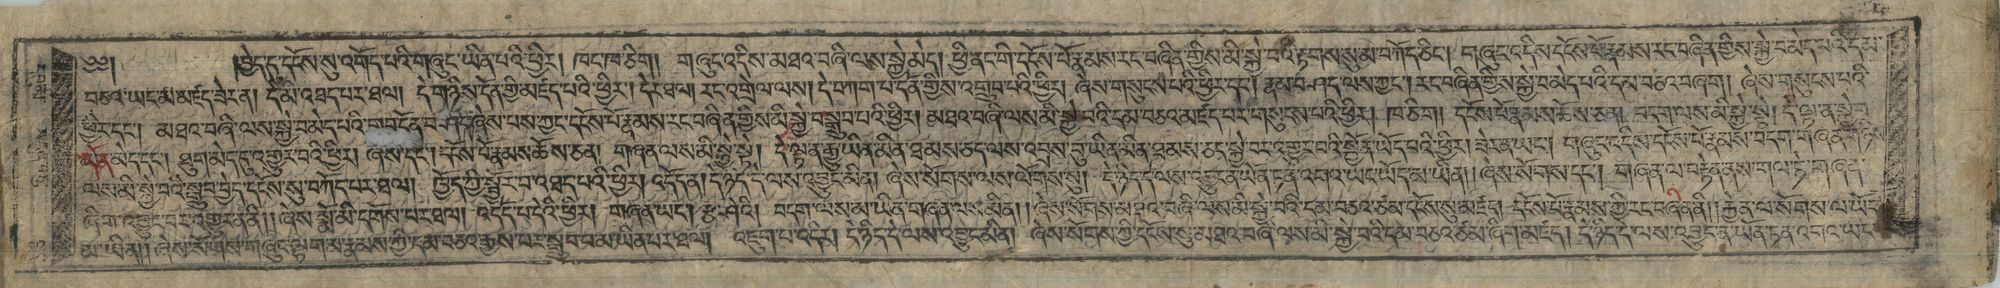༄༅། །བྱེད་དུ་དངོས་སུ་འགོད་པའི་གཞུང་ཡིན་པའི་ཕྱིར། ཡང་ཁ་ཅིག །གཞུང་འདིས་མཐའ་བཞི་ལས་སྐྱེ་མེད། ཕྱི་ནང་གི་དངོས་པོ་རྣམས་རང་བཞིན་གྱིས་མི་སྐྱེ་བའི་རྟགས་སུ་མ་བཀོད་ཅིང་། གཞུང་འདིས་དངོས་པོ་རྣམས་རང་བཞིན་གྱིས་སྐྱེ་བ་མེད་པའི་དམ་
བཅའ་ཡང་མ་མཛད་ཟེར་ན། དེ་མི་འཐད་པར་ཐལ། དེ་གཉིས་དོན་གྱིས་མཛད་པའི་ཕྱིར། དེར་ཐལ། རང་འགྲེལ་ལས། དེ་བཀག་པ་དོན་གྱིས་འགྲུབ་པའི་ཕྱིར། ཞེས་གསུངས་པའི་ཕྱིར་དང་། རྣམ་བཤད་ལས་ཀྱང་། རང་བཞིན་གྱིས་སྐྱེ་བ་མེད་པའི་དམ་བཅའ་བཞག །ཞེས་གསུངས་པའི་
ཕྱིར་དང་། མཐའ་བཞི་ལས་སྐྱེ་བ་མེད་པའི་གྲུབ་དོན་བཤད་ཞེས་པས་ཀྱང་དངོས་པོ་རྣམས་རང་བཞིན་གྱིས་མི་སྐྱེ་བ་སྒྲུབ་པའི་ཕྱིར། མཐའ་བཞི་ལས་མི་སྐྱེ་བའི་དམ་བཅའ་མཛད་པར་གསུངས་པའི་ཕྱིར། ཁ་ཅིག །དངོས་པོ་རྣམས་ཆོས་ཅན། བདག་ལས་མི་སྐྱེ་སྟེ། དེ་ལྟ་ན་སྐྱེ་བ་
དོན་མེད་དང་། ཐུག་མེད་དུ་འགྱུར་བའི་ཕྱིར། ཞེས་དང་། དངོས་པོ་རྣམས་ཆོས་ཅན། གཞན་ལས་མི་སྐྱེ་སྟེ། དེ་ལྟ་ན་རྒྱུ་ཡིན་མིན་ཐམས་ཅད་ལས་འབྲས་བུ་ཡིན་མིན་ཐམས་ཅད་སྐྱེ་བར་འགྱུར་བའི་སྐྱོན་ཡོད་པའི་ཕྱིར། ཟེར་ན་ཡང་། གཞུང་འདིས་དངོས་པོ་རྣམས་བདག་གཞན་གཉིས་
ལས་མི་སྐྱེ་བའི་སྒྲུབ་བྱེད་དངོས་སུ་བཀོད་པར་ཐལ། ཁྱོད་ཀྱི་སྦྱོར་བ་འཐད་པའི་ཕྱིར། འདོད་ན། དེ་ཉིད་དེ་ལས་འབྱུང་མིན། ཞེས་སོགས་ལས་ལོགས་སུ། དེ་ཉིད་དེ་ལས་འབྱུང་ན་ཡོན་ཏན་འགའ་ཡང་ཡོད་མ་ཡིན། །ཞེས་སོགས་དང་། གཞན་ལ་བརྟེན་ནས་གལ་ཏེ་གཞན་
ཞིག་འབྱུང་བར་འགྱུར་ན་ནི། །ཞེས་སྨོམི་དགོས་པར་ཐལ། འདོད་པ་དེའི་ཕྱིར། གཞན་ཡང་། རྩ་ཤེའི། བདག་ལས་མ་ཡིན་གཞན་ལས་མིན། །ཞེས་སོགས་མཐའ་བཞི་ལས་མི་སྐྱེ་བའི་དམ་བཅའ་ཙམ་དངོས་སུ་མཛད། དངོས་པོ་རྣམས་ཀྱི་རང་བཞིན་ནི། །རྐྱེན་ལ་སོགས་ལ་ཡོད་
མ་ཡིན། །ཞེས་སོགས་གཞུང་ལྷག་མ་རྣམས་ཀྱི་དམ་བཅའ་རྒྱས་པར་སྒྲུབ་པ་མ་ཡིན་པར་ཐལ། འཇུག་པ་འདིར། དེ་ཉིད་དེ་ལས་འབྱུང་མིན། ཞེས་སོགས་ཀྱི་དངོས་སུ་མཐའ་བཞི་ལས་མི་སྐྱེ་བའི་དམ་བཅའ་ཙམ་ཞིག་མཛད། དེ་ཉིད་དེ་ལས་འབྱུང་ན་ཡོན་ཏན་འགའ་ཡང་